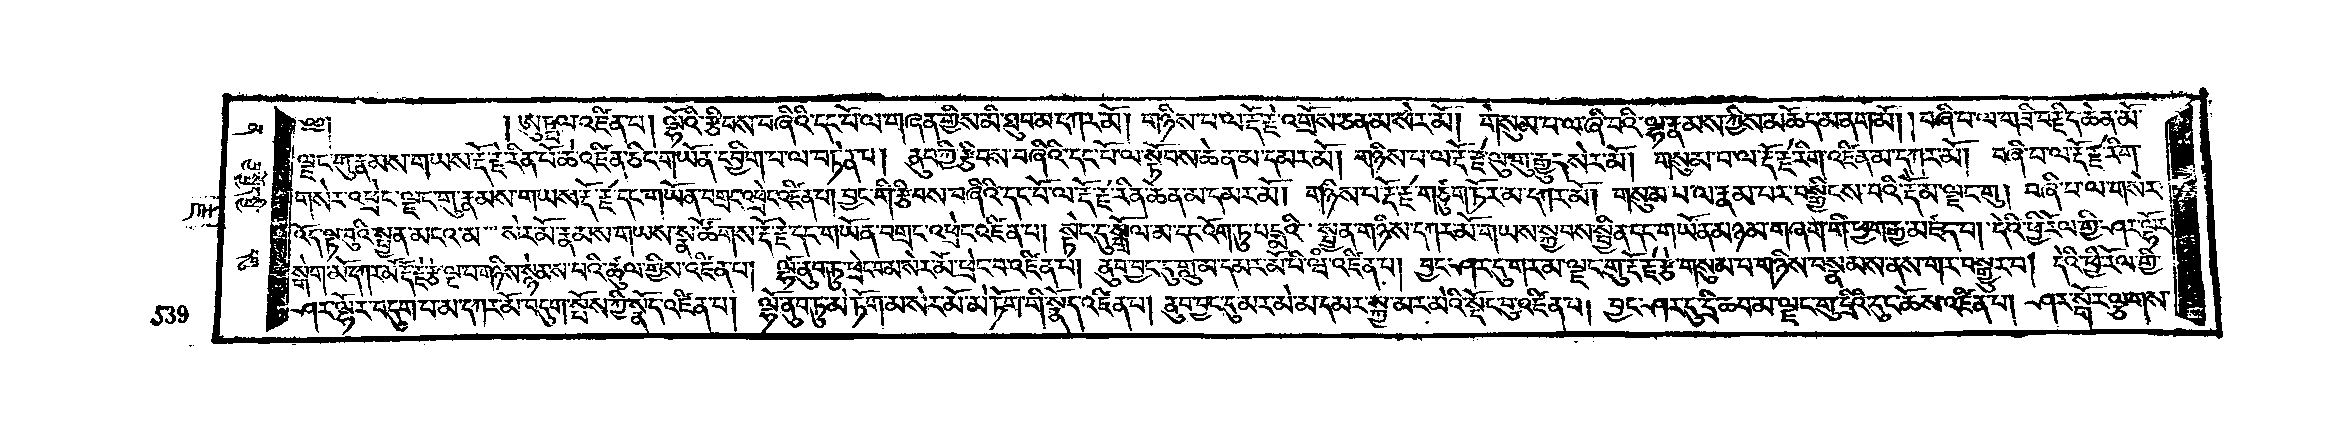༄༅། །ཨུཊྤལ་འཛིན་པ། ལྷོའི་རྩིབས་བཞིའི་དང་པོ་ལ་གཞན་གྱིས་མི་ཐུབ་མ་དཀར་མོ། གཉིས་པ་ལ་རྡོ་རྗེ་འགྲོས་ཅན་མ་སེར་མོ། གསུམ་པ་ལ་ཞི་བའི་ལྷ་རྣམས་ཀྱིས་མཆོད་མ་ནག་མོ། །བཞི་པ་ལ་གཟི་བརྗིད་ཆེན་མོ་
ལྗང་གུ་རྣམས་གཡས་རྡོ་རྗེ་རིན་པོ་ཆེ་འཛིན་ཅིང་གཡོན་དབྱིག་པ་ལ་བརྟེན་པ། ནུབ་ཀྱི་རྩིབས་བཞིའི་དང་པོ་ལ་སྟོབས་ཆེན་མ་དམར་མོ། གཉིས་པ་ལ་རྡོ་རྗེ་ལུ་གུ་རྒྱུད་སེར་མོ། གསུམ་པ་ལ་རྡོ་རྗེ་རིག་འཛིན་མ་དཀར་མོ། བཞི་པ་ལ་རྡོ་རྗེ་རིག་
གསེར་འཕྲེང་ལྗང་གུ་རྣམས་གཡས་རྡོ་རྗེ་དང་གཡོན་བགྲང་ཕྲེང་འཛིན་པ། བྱང་གི་རྩིབས་བཞིའི་དང་པོ་ལ་རྡོ་རྗེ་རིན་ཆེན་མ་དམར་མོ། གཉིས་པ་རྡོ་རྗེ་གཙུག་ཏོར་མ་དཀར་མོ། གསུམ་པ་ལ་རྣམ་པར་བསྒྱིངས་པའི་རྡོ་མ་ལྗང་གུ །བཞི་པ་ལ་གསེར་
འོད་ལྟ་བུའི་སྤྱན་མངའ་མ་སེར་མོ་རྣམས་གཡས་སྣ་ཚོགས་རྡོ་རྗེ་དང་གཡོན་བགྲང་འཕྲེང་འཛིན་པ། སྟེང་དུ་སྒྲོལ་མ་དང་འོག་ཏུ་པདམའི་སྤྱན་གཉིས་དཀར་མོ་གཡས་སྐྱབས་སྦྱིན་དང་གཡོན་མཉམ་གཞག་གི་ཕྱག་རྒྱ་མཛད་པ། དེའི་ཕྱི་རོལ་གྱི་ཤར་ལྷོར་
སྒེག་མོ་དཀར་མོ་རྡོ་རྗེ་རྩེ་ལྔ་པ་གཉིས་སྙེམས་པའི་ཚུལ་གྱིས་འཛིན་པ། ལྷོ་བུ་ཏུ་ཕྲེང་བ་མ་སེར་མོ་ཕྲེང་བ་འཛིན་པ། ནུབ་བྱང་དུ་གླུ་མ་དམར་མོ་པོ་ཝཾ་འཛིན་པ། བྱང་ཤར་དུ་གར་མ་ལྗང་གུ་རྡོ་རྗེ་རྩེ་གསུམ་པ་གཉིས་བསྣམས་ནས་གར་བསྒྱུར་བ། དེའི་ཕྱི་རོལ་གྱི་
ཤར་ལྷོར་བདུག་པ་མ་དཀར་མོ་བདུག་སྤོས་ཀྱི་སྣོད་འཛིན་པ། ལྷོ་ནུབ་ཏུ་མེ་ཏོག་མ་སེར་མོ་མེ་ཏོག་གི་སྣོད་འཛིན་པ། ནུབ་བྱང་དུ་མར་མེ་མ་དམར་སྐྱ་མར་མེའི་སྡོང་བུ་འཛིན་པ། བྱང་ཤར་དུ་དྲི་ཆབ་མ་ལྗང་གུ་དྲིའི་དུང་ཆོས་འཛིན་པ། ཧར་སྒོར་ལྕགས་